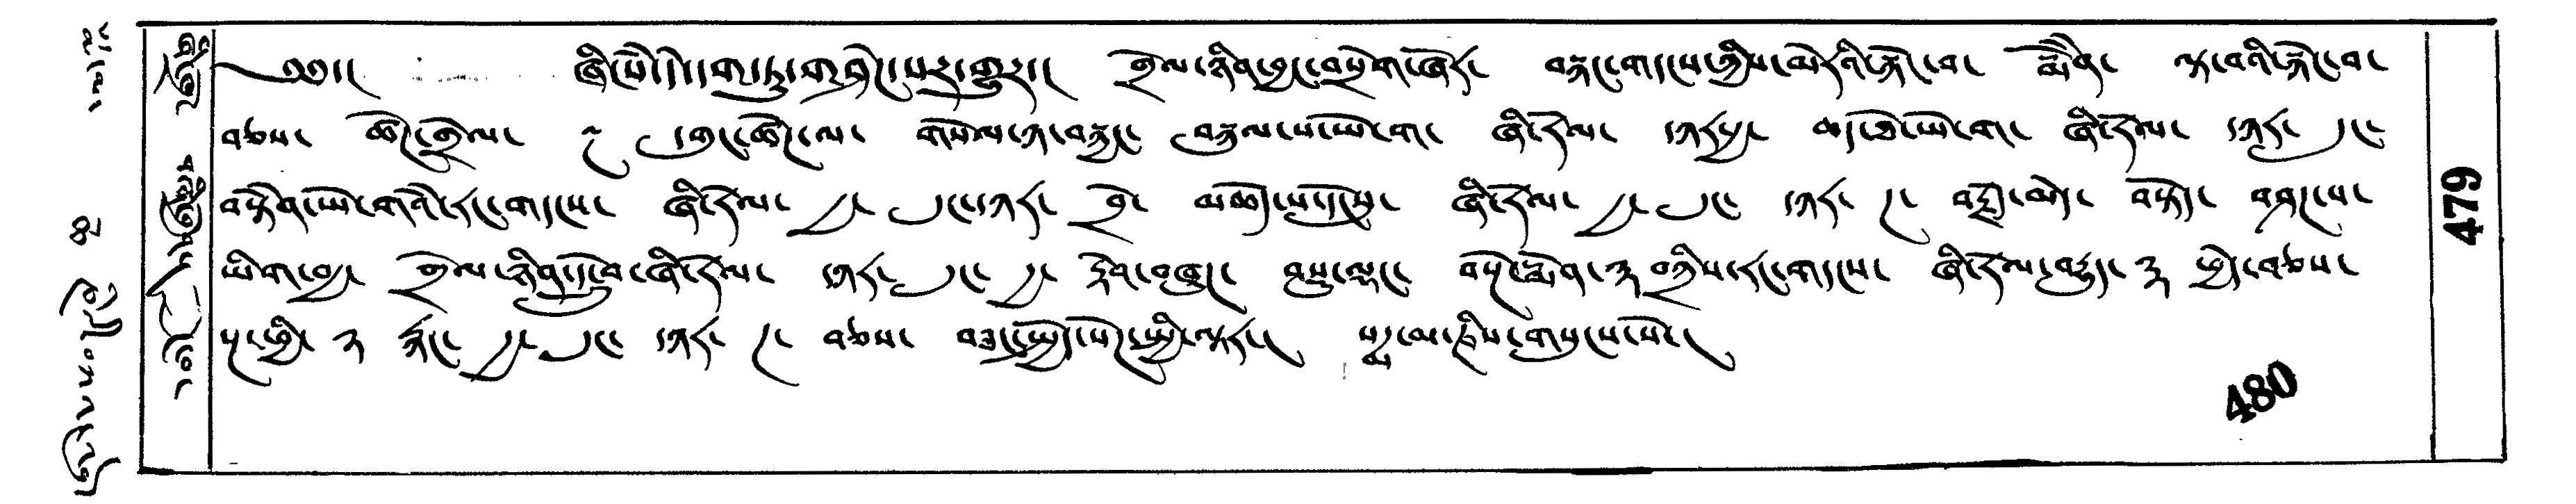ཞིང་ཁམས་དེ་དག་ཏུ་གཤེགས་པར་གྱུར། གྲོལ་ཉིན་བྱང་སྲེག་ཞོར། བསྐང་གདངས་ཀྱིས་མར་མེའི་སྐོང་བ། སྨོན་ལམ། ལྟ་བའི་སྐོང་བ་
བཅས། ཚོགས་གྲོལ། ༈ དགུང་ཚོགས་ལ། གསོལ་ཀ་བསྐྱང་། བསྐུལ་པ་ཡོ་ག ཞི་རོལ། དཀར། དུང་། 
བསྟན་མ་ཡོ་གའམ་རང་གདངས། ཞི་རོལ། རྒྱ། དུང་དཀར། བྲོ། མཆོད་པ། དངོས་སུ༴ ཞི་རོལ། རྒྱ། དུང་། དཀར། ཌཱ། བརྗོད་མེད༴ བསྟོད། བཤགས་པ་
ཡིག་བརྒྱ། གྲོལ་ཉིན་དངོས་གྲུབ་ཞི་རོལ། དཀར། དུང་། རྒྱ། རྟེན་བཞུགས། བསྡུ་ལྡང་། བསྔོ་སྨོན་གསུམ། བཀྲ་སིས་རང་གདངས། ཞི་རོལ་བརྒྱུད་གསུམ་ཕྱེད་བཅས་
སྔ་ཕྱི་གཉིས། རྐང་། རྒྱ། དུང་། དཀར། ཌཱ། བཅས། བཟང་སྤྱོད་སོགས་སྤྱི་ལྟར། པདྨ་མ་ཎིས་སོ།།